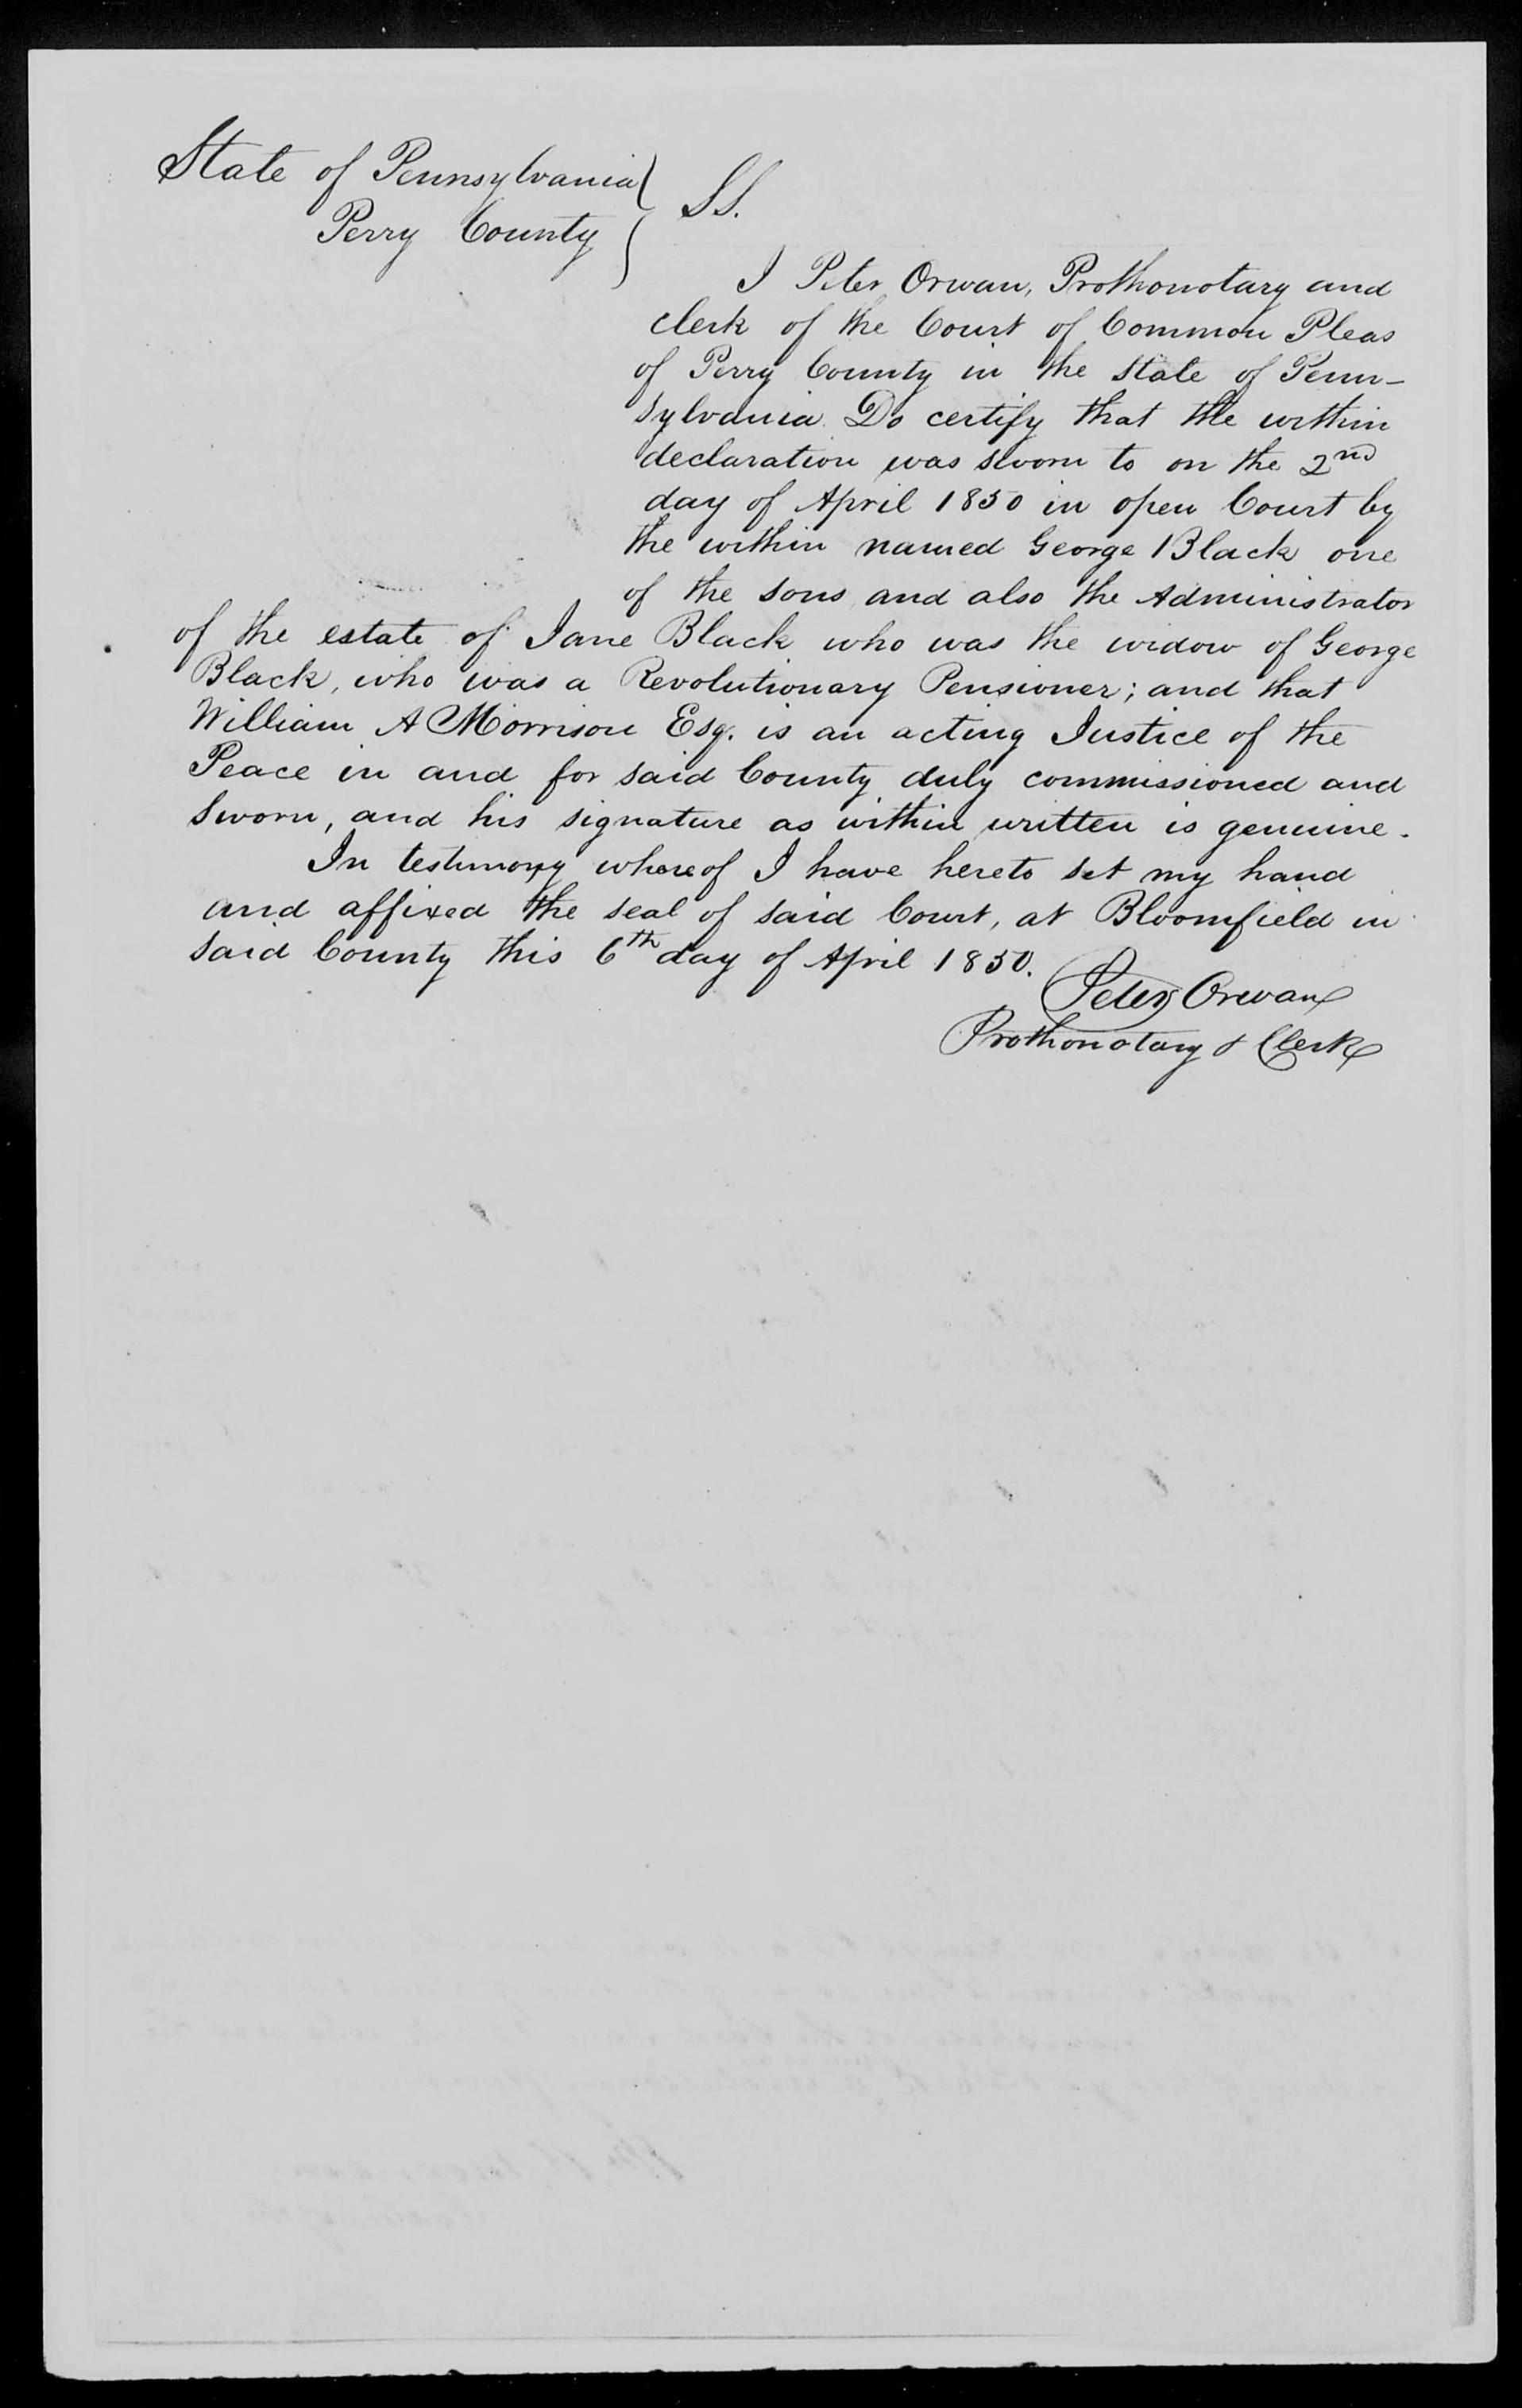State of Pennsylvania
Perry County
SS.
I Peter Orwan, Prothonotary and clerk of the Court of Common Pleas of Perry County in the State of Pennsylvania Do certify that the within declaration was Sworn to on the 2nd day of April 1850 in open Court by the within named George Black one of the sons and also the Administrator of the estate of Jane Black who was the widow of George Black, who was a Revolutionary Pensioner; and that William A. Morrison Esq. is an acting Justice of the Peace in and for said County duly commissioned and Sworn, and his signature as within written is genuine.
In testimony whereof I have hereto set my hand and affixed the seal of said Court, at Bloomfield in said County this 6th day of April 1850.
Peter Orwan
Prothonotary & Clerk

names: William A Morrison, Peter Orwan, Peter Orwan, George Black, Jane Black, George Black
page: 17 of 30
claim: widow's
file: W. 3211, George Black, Penn.